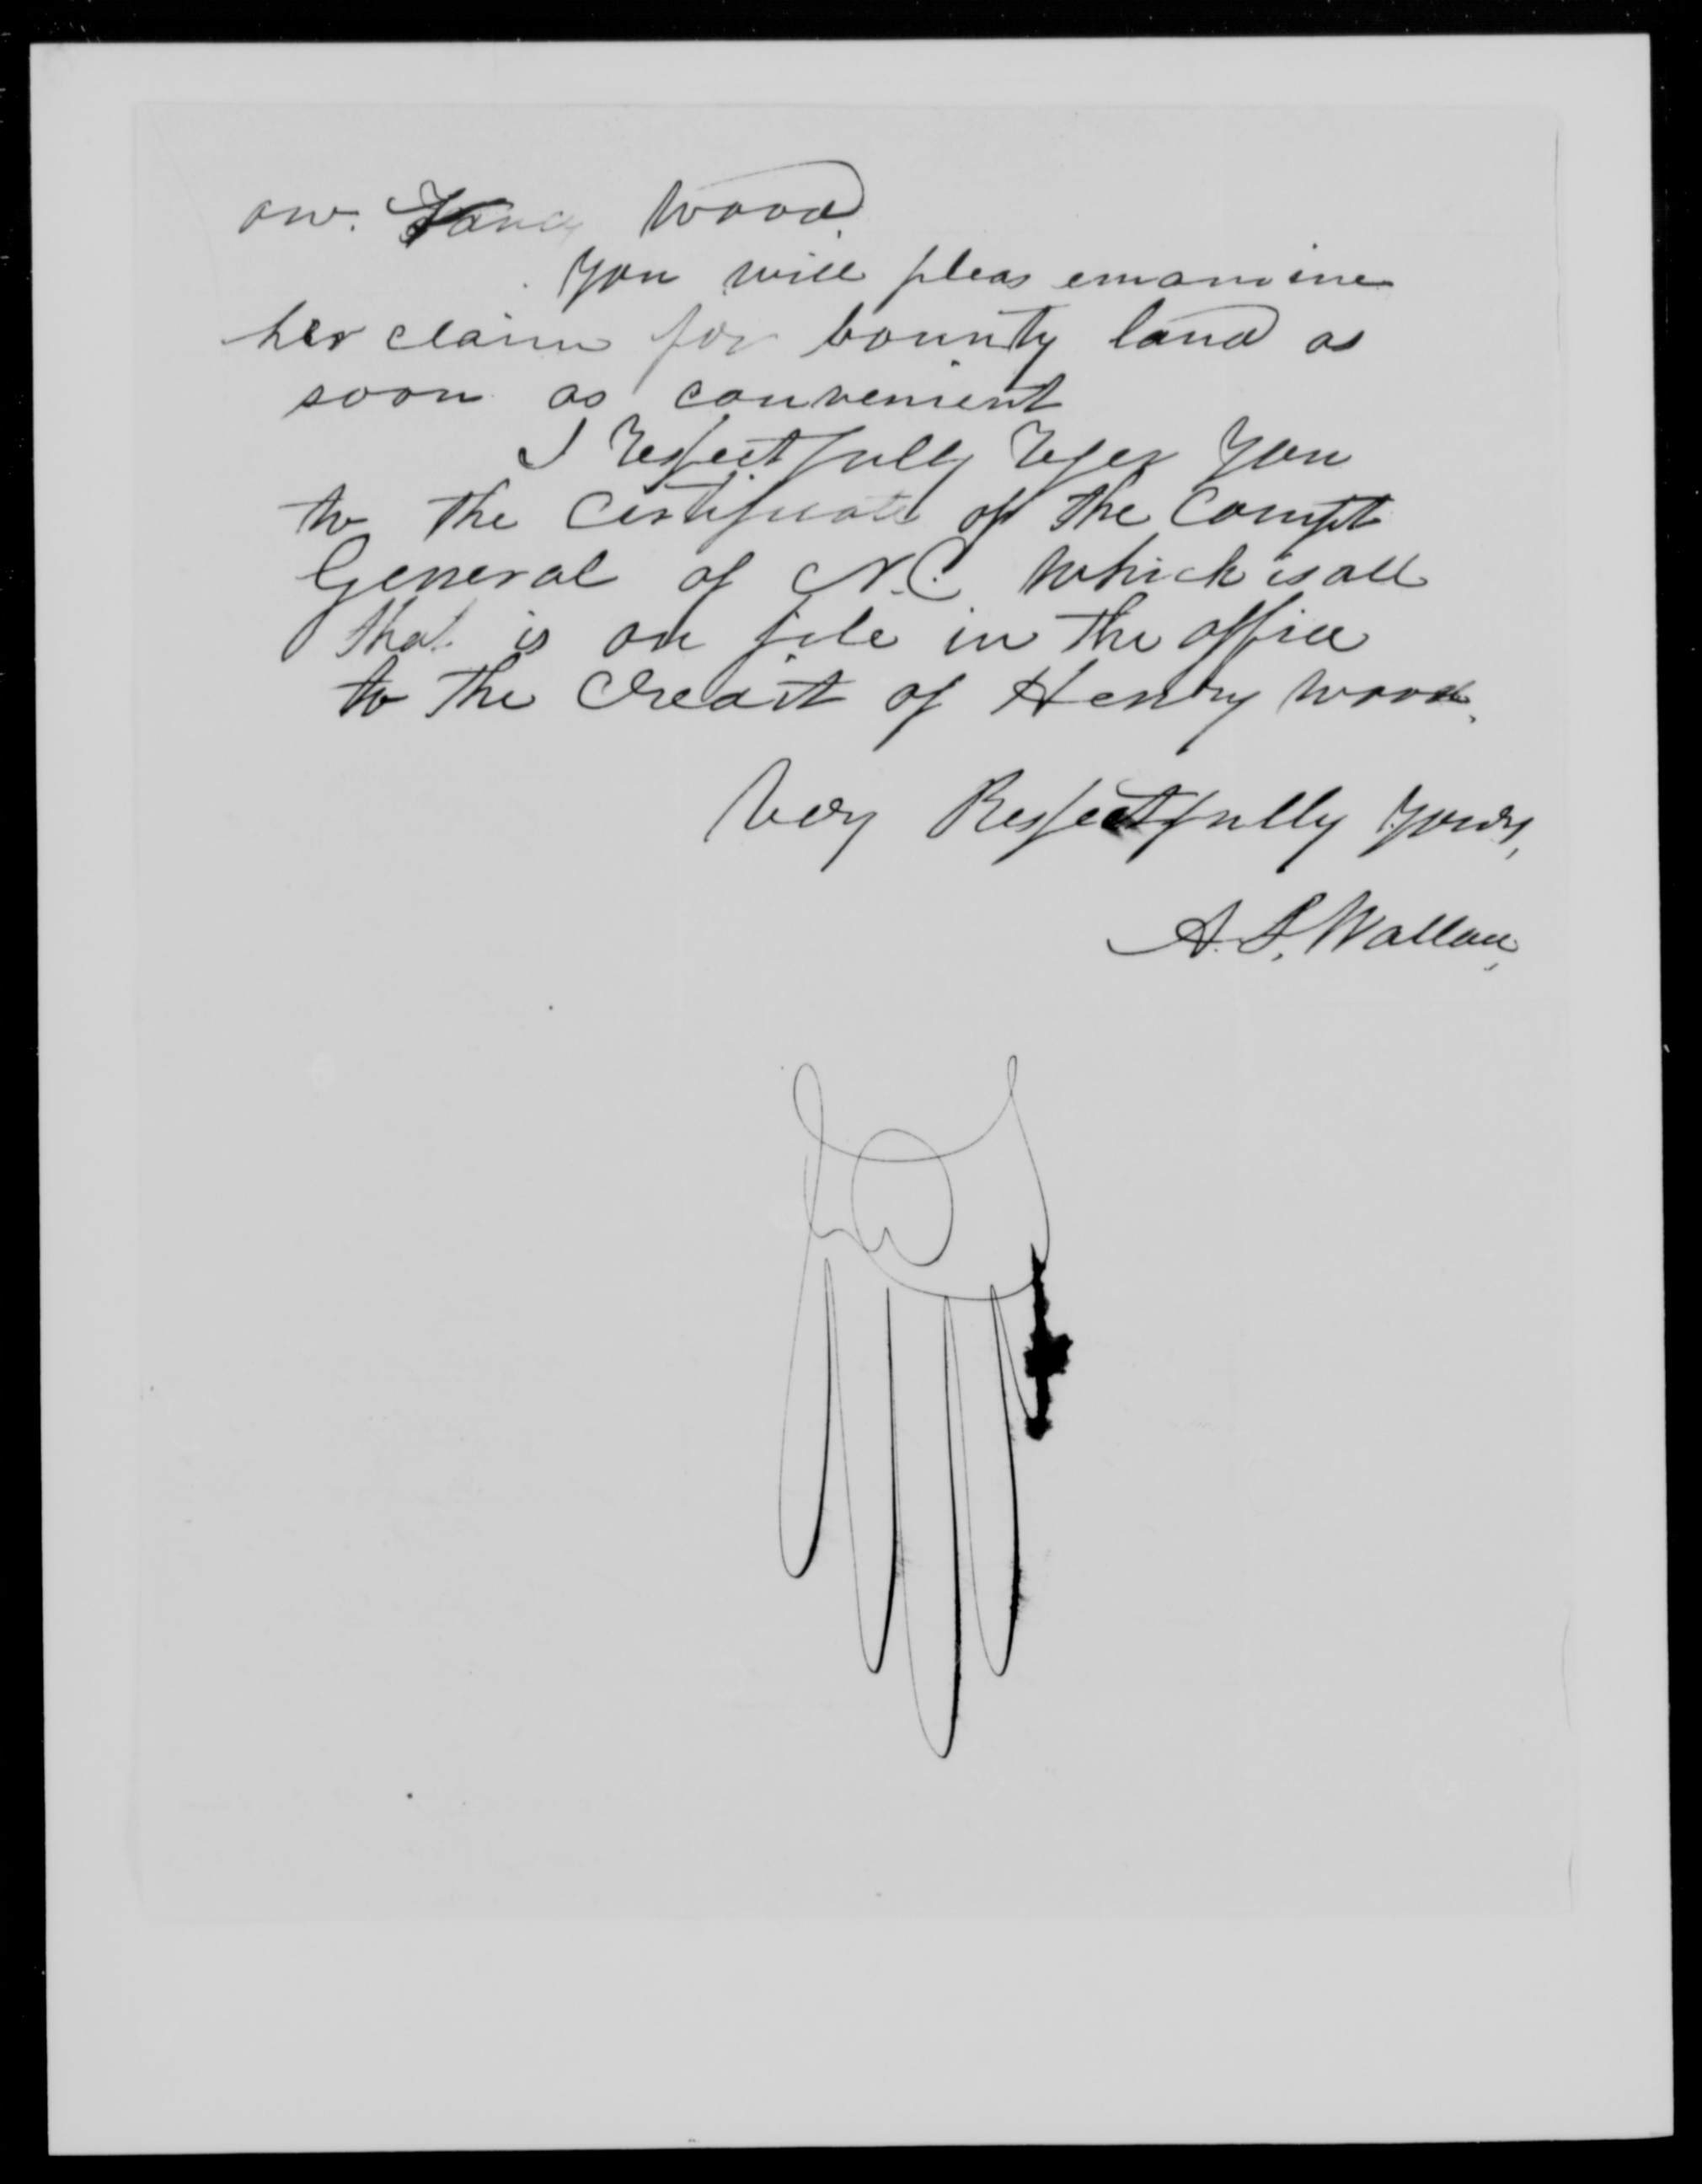ow Nancy Wood.
You will pleas emanine her claim for bounty land as soon as convienient.
I respectfully refes you to the certificate of the comptr General of N.C. whch is all that is on file in the office to the credit of Henry Wood.
Very respectfully yours,
A.S. Wallace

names: Henry Wood, A S Wallace, Nancy Wood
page: 24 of 40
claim: rejected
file: R. 11785, Henry Wood, N. C.